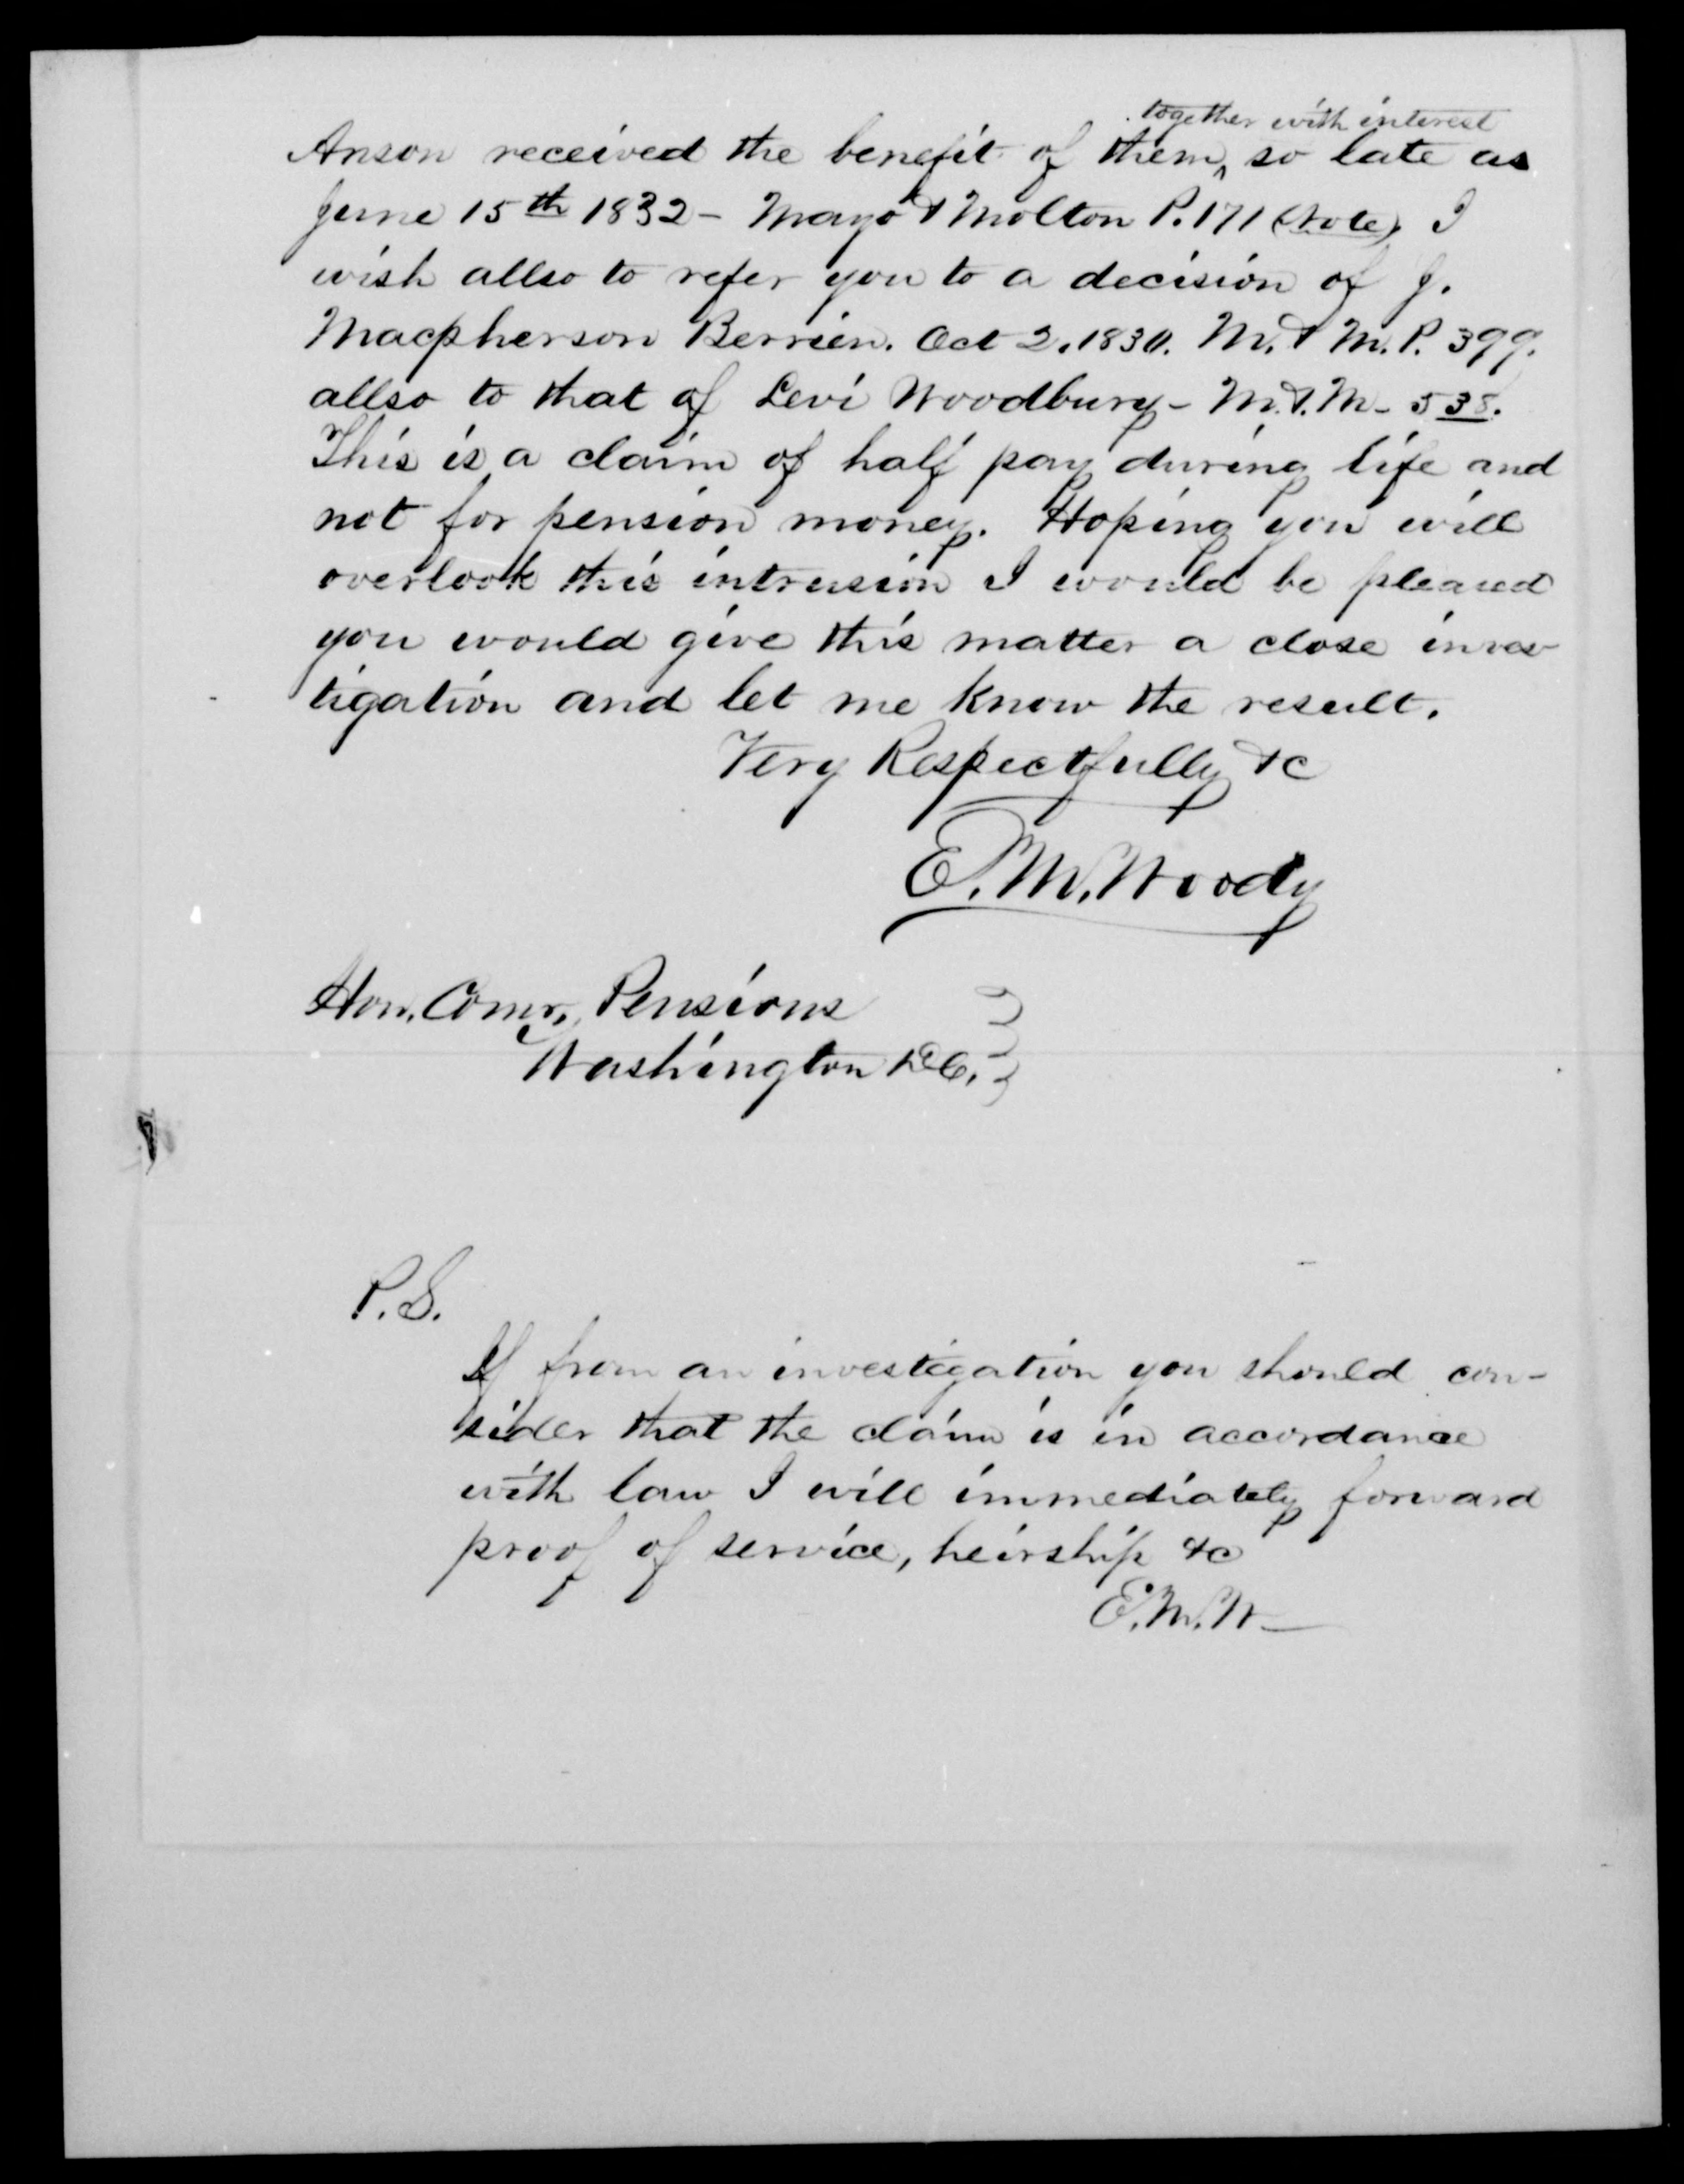Anson received the benefit of them together with interest so late as June 15th 1832 - Mayo & Molton P.171 (Note) I wish also to refer you to a decision of J. Macpherson Berrien.Oct 2, 1830.  M. & M. P.399. also to that of Levi Woodbury M. & M. 535. This is a claim of half pay during life not pension money. Hoping you will overlook this intrusion I would be pleased you would give this matter a close investigation and let me know the result.
Very respectfully &c
D.M. Woody
Hon. Com. Pensions Washington D.C.
P.S. If from an investigation you should consider that the claim is in accordance with the law I will immediately forward proof of service, heirs life &c
E.M.M.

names: [BLANK] Anson; [BLANK] Molton; Levi Woodbury; J Macpherson Berrien; [BLANK] Mayo; E M Woody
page: 3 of 15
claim: rejected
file: R. 9,905, for Philip Snook, New Jersey